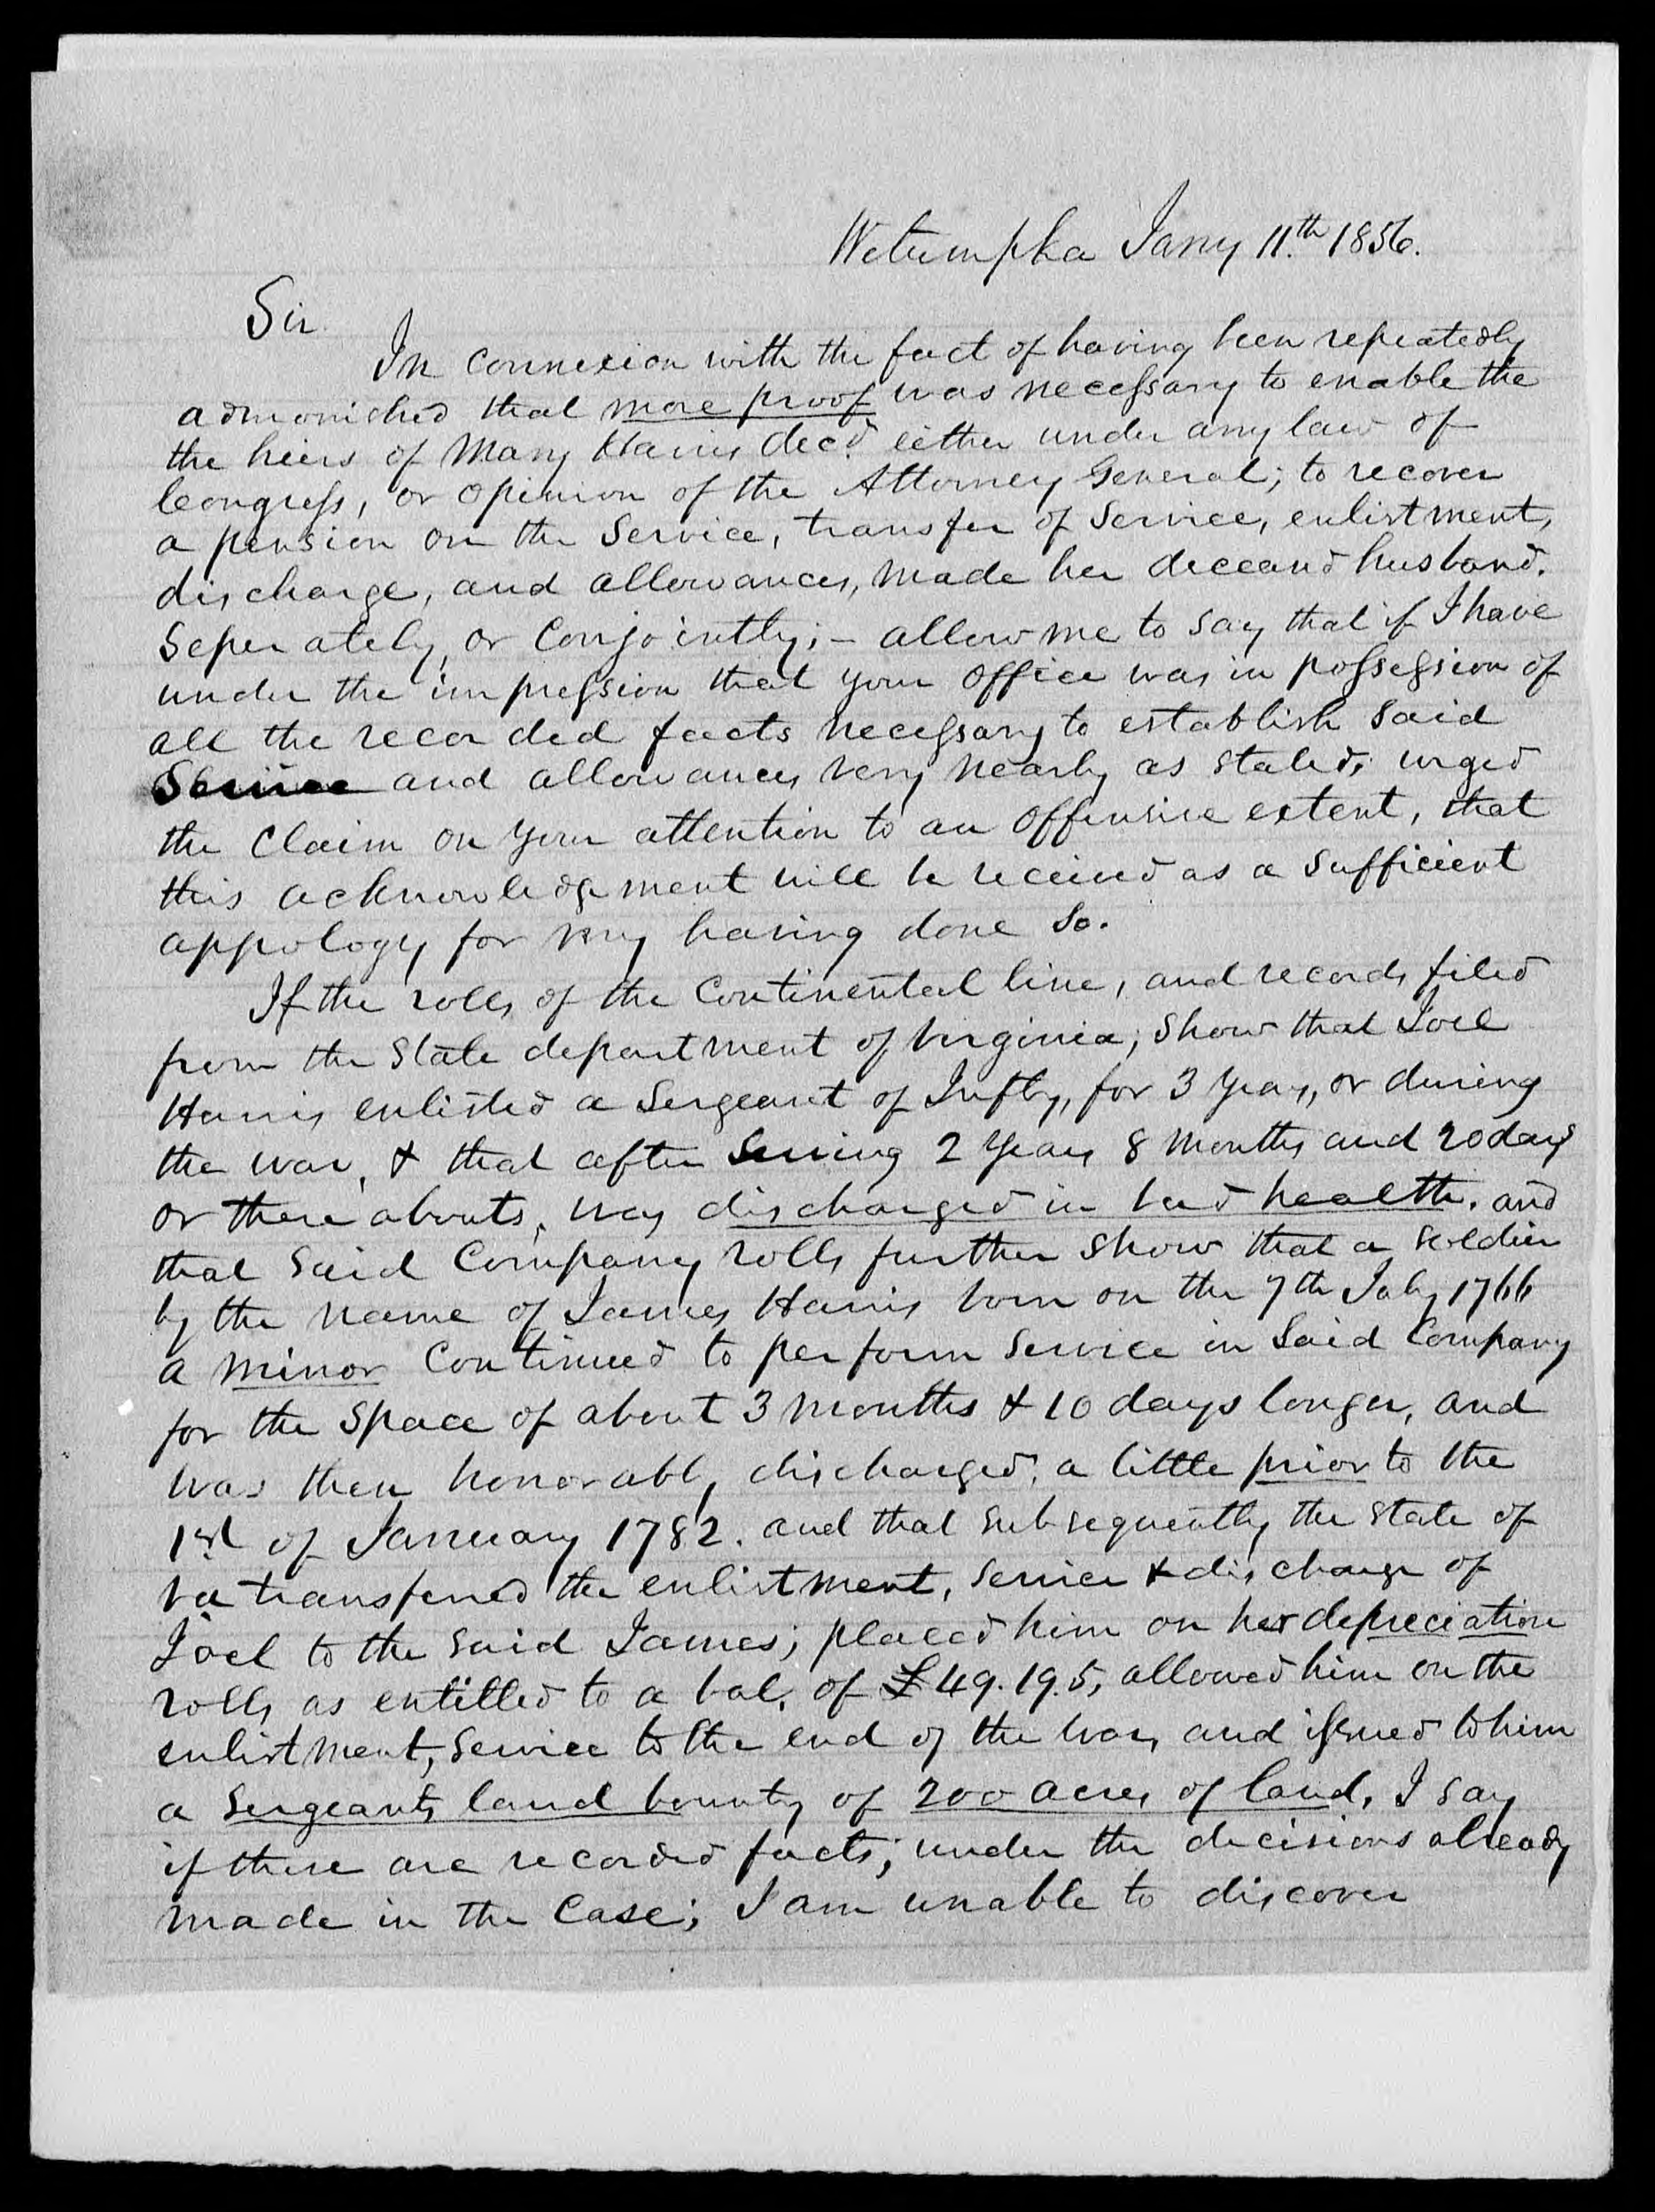Wetumpka Many 11th 1856

Sir
In connexion with the fact of having been repeatedly admonished that more proof was necessary to enable the the [sic] heirs of Mary Harris decd either under any law of Congress, or opinion of the Attorney General, to recover a pension on the service, transfer of service, enlistment, discharge, and allowances made her deceased husband, seperately [sic], or conjointly, allow me to say that if I have under the impression that your office was in possession of all the recorded facts necessary to establish said service and allow [?] very nearly as stated urged the claim on your attention to an offensive extent, that this acknowledgement will be received as a sufficient appology [sic] for my having done so.
If the rolls of the Continental line, and records filed from the State department of Virginia show that Joel Harris enlisted a sergeant of Infty, for 3 years or during the war, & that after serving 2 years 8 months and 20 days or thereabouts was discharged in bad health, and that said company rolls further show that a soldier by the name of James Harris born on the 7th July 1766 a minor continued to perform service in said company for the space of about 3 months & 20 days longer, and was then honorably discharged a little prior to the 1st of January 1782, and that subsequently the state of Va transferred the enlistment, service & discharge of Joel to the said James, placed him on her depreciation rolls as entitled to a bal of [pound sterling]49.19.5, allowed him on the enlistment, service to the end of the war and issued to him a sergeants land bounty of 200 acres of land, I say if there are recorded facts, under the decisions already made in the case, I am unable to discern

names: James, James Harris, Joel, Joel Harris, Mary Harris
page: 69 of 160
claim: rejected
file: R. 4666, James Harris, Va.